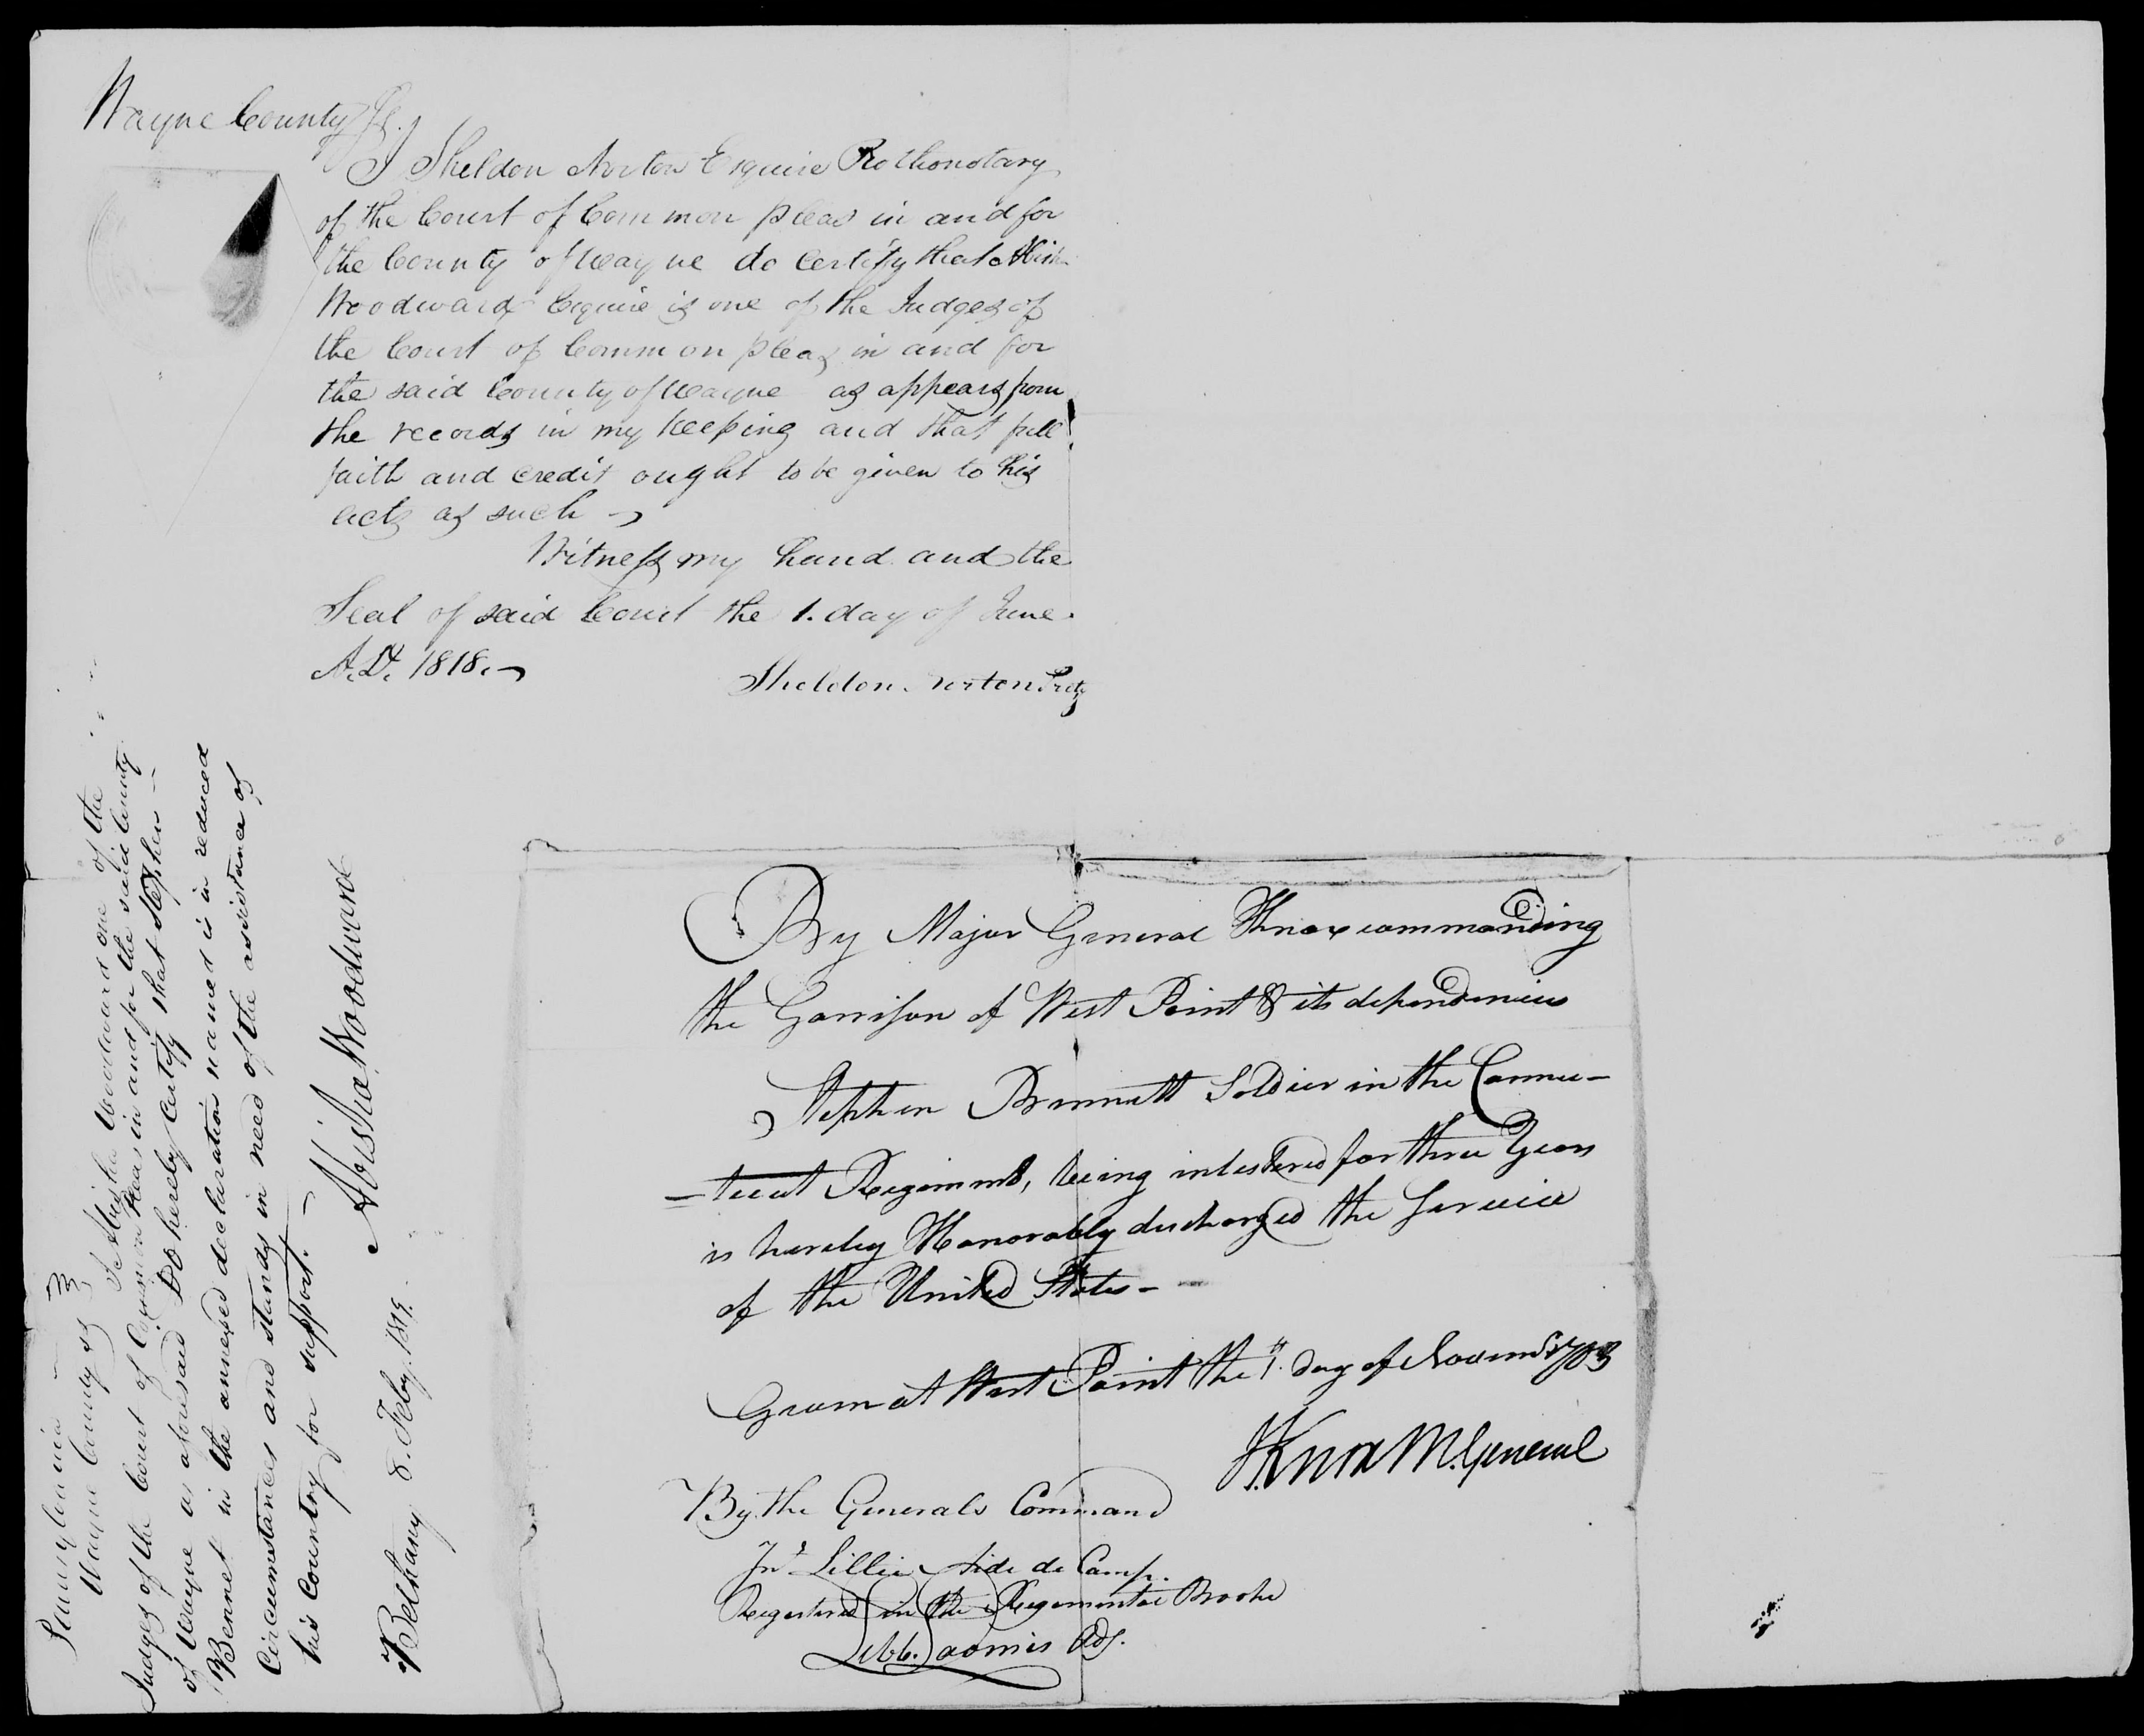Wayne County
I Sheldon Norton Esquire Rothonsbury of the Court of Common Pleas in and for the County of Wayne do certify that Abisha Woodward Esquire is one of the Judges of the Court of Common Pleas in and for the said County of Wayne as appears from the records in my keeping and that full faith and credit ought to be given to his acts of such.
Witness my hand and the Seal of said County the 1 day of June A.D. 1818
Sheldon Norton Esq.

Pennsylvania
Wayne County
I Abisha Woodward of one of the judgres of Wayne as aforesaid do hereby certify that Stephen Bennett in the annexed declaration named is in reduced circumstances and stands in need of the assistance of his country for support. 
Abisha Woodward
Bethany 
8 July 1819

By Major General Knox commanding the Garrison of West Point & its dependencies
Stephen Bennett soldier in the Connecticut Regiment, being mustered for three years is hereby Honorably discharged the services of the United States.
Given at West Point the 1 day of November 1783
J. Knox
M. General

By the Generals Command
[Jonathan?] Lillie Aide de Camp
Registered in the Regimental Books
Lebb Loomis Adj.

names: Sheldon Norton, J Knam, Stephen Bennet, Abisha Woodward, Sheldon Norton, Lebb Laomis, Knox, Abisha Woodward, Stephen Bennett, Abisha Woodward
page: 6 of 79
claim: widow's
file: W. 2,906, Stephen Bennet, Conn.